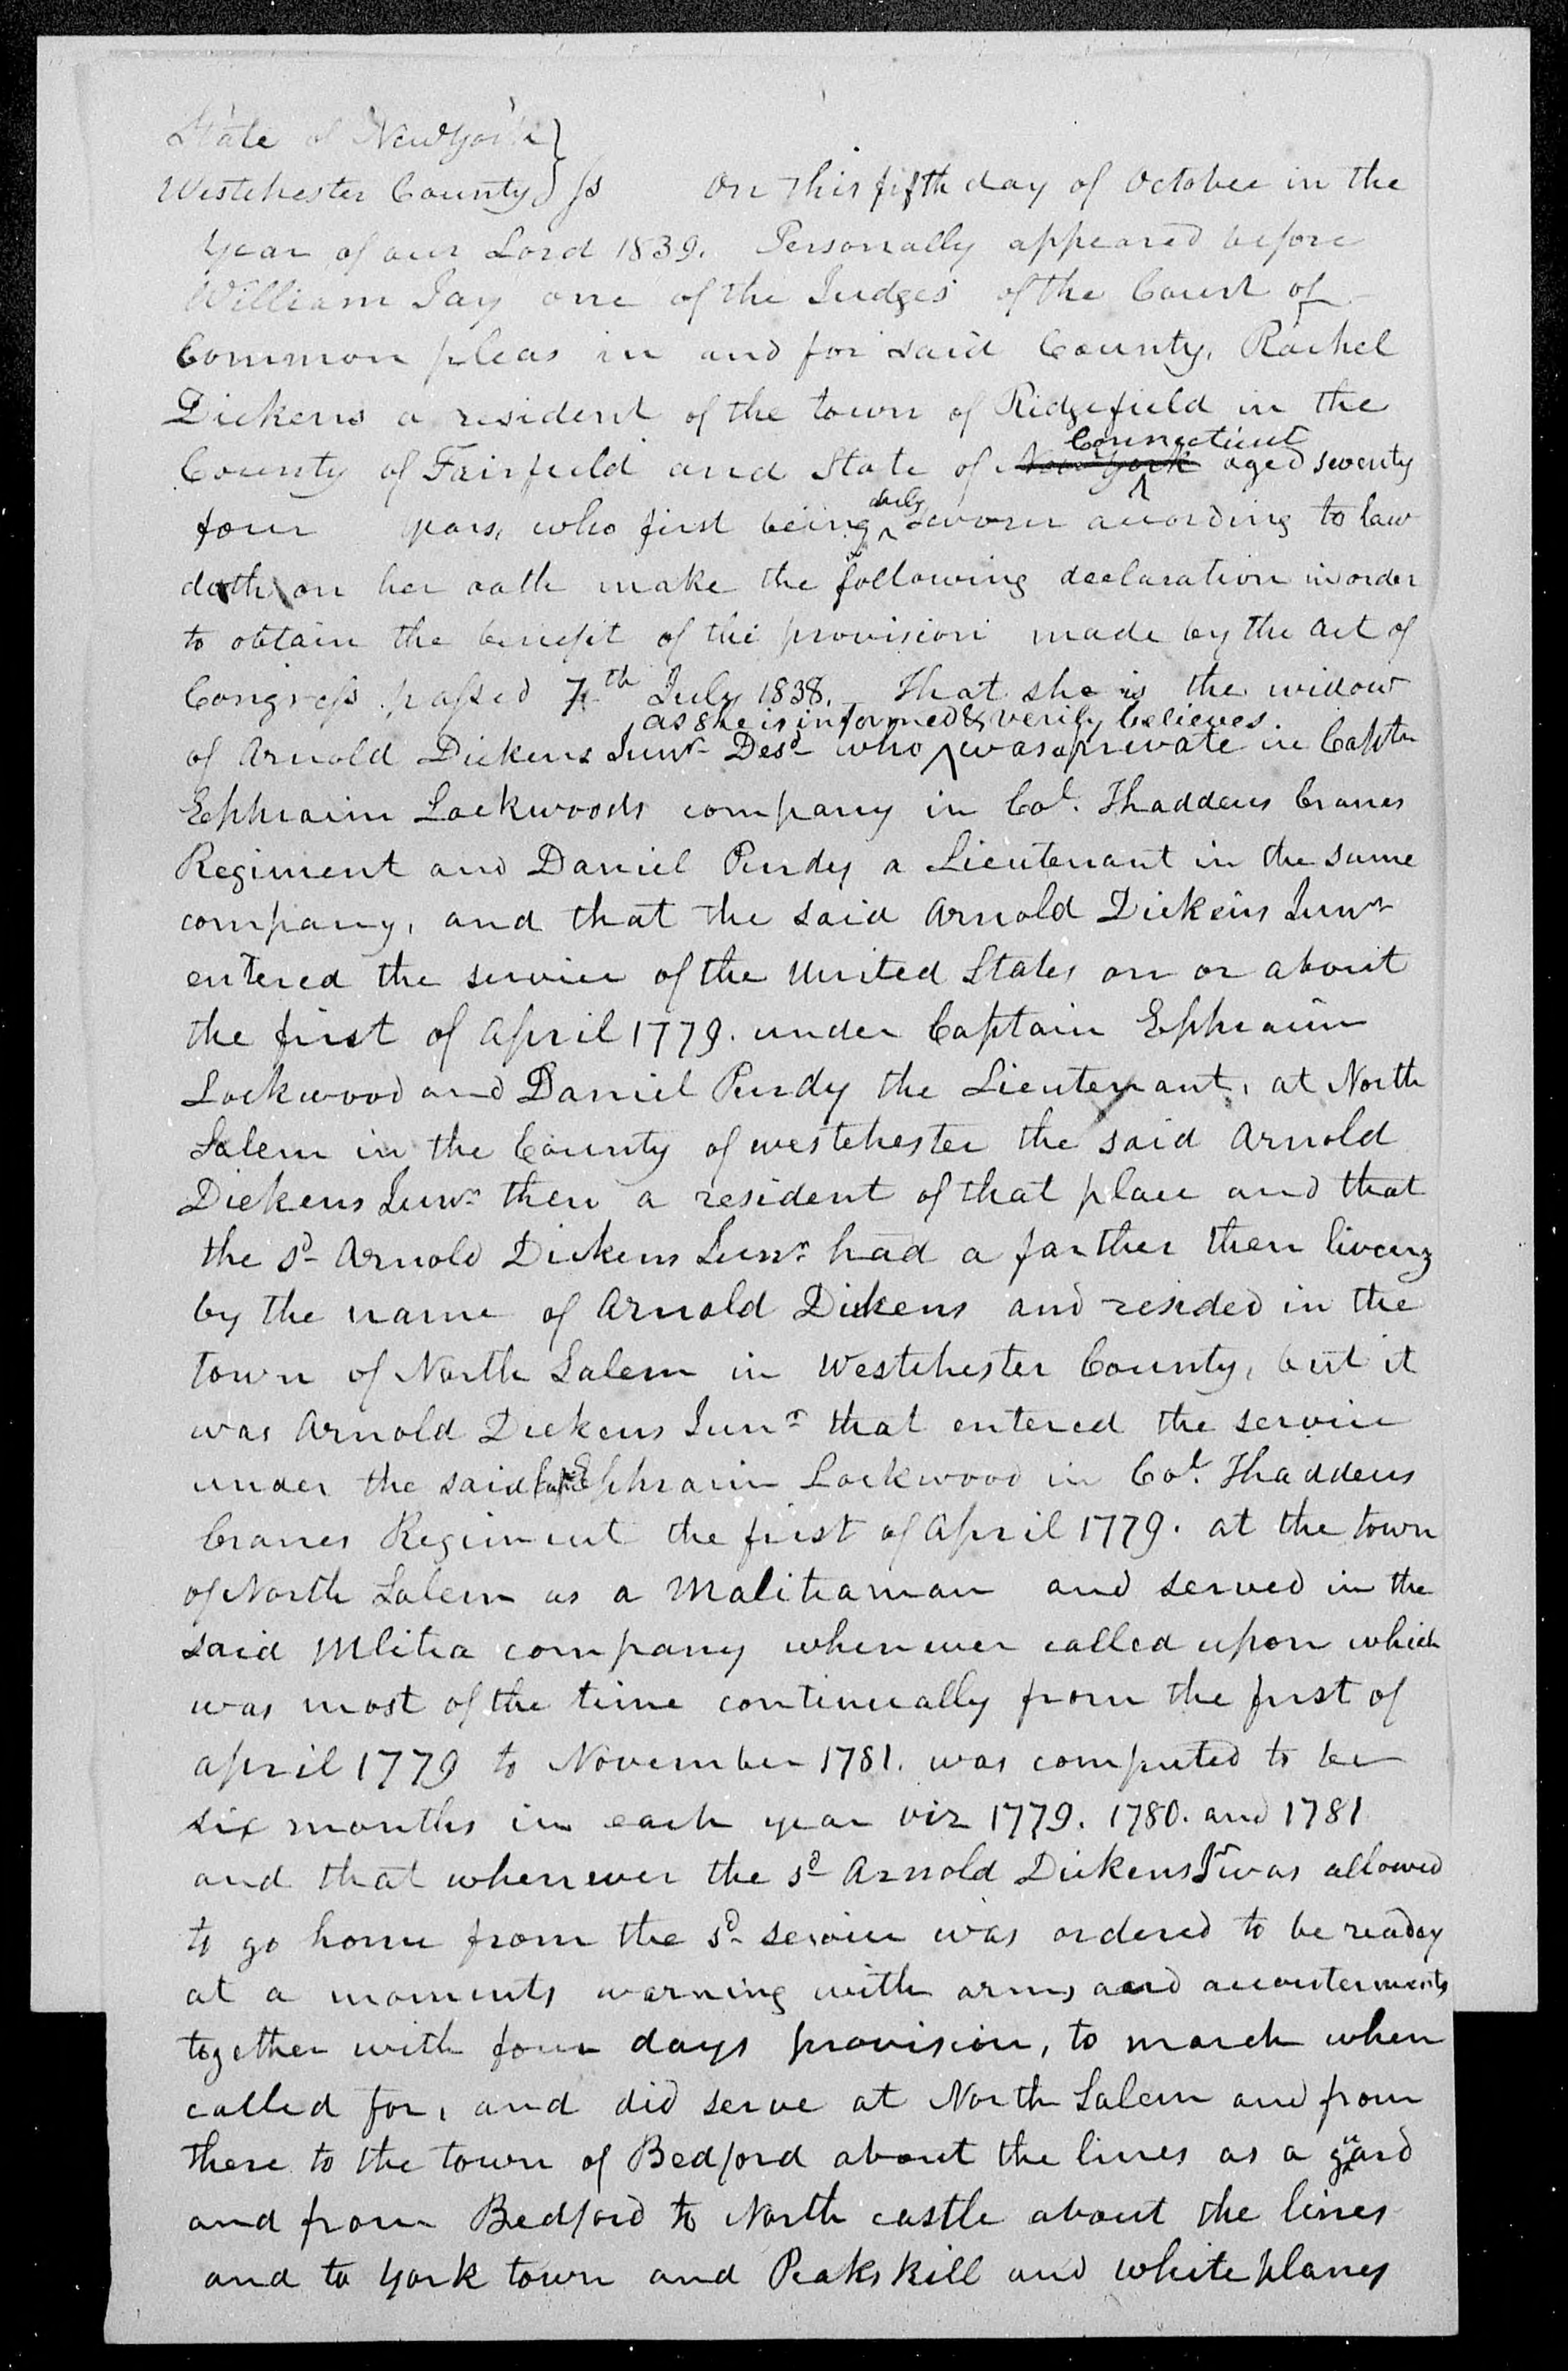State of New York}
Westchester County} ss

On this fifth day of October in the Year of our Lord 1839.  Personally appeared before William Jay one of the Judges of the Court of Common pleas in and for said County, Rachel Dickens a resident of the town of Ridgefield in the County of Fairfield and State of Connecticut aged seventy four years, who first being ^duly sworn according to law doth on her oath make the following declaration in order to obtain the benefit of the provision made by the Act of Congress passed 7th July 1838.  That she is the widow of Arnold Dickens Junr - Desd - who ^as she is informed & verily believes was a private in Captain Ephraim Lockwoods company in Col. Thaddeus Cranes Regiment and Daniel Purdy a Lieutenant in the same company, and that the said Arnold Dickens Junr entered the service of the United States on or about the first of April 1779 under Captain Ephraim Lockwood and Daniel Purdy the Lieutenant, at North Salem in the County of Westchester the said Arnold Dickens Junr. then a resident of that place and that the sd Arnold Dickens Junr. had a father then liveing by the name of Arnold Dickens and resided in the town of North Salem in Westchester County, but it was Arnold Dickens Junr that entered the service under the said Captain Ephraim Lockwood in Col. Thaddeus Cranes Regiment the first of April 1779.  at the town of North Salem as a malitiaman and served in the said Mlitia company whenever called upon which was most of the time continually from the first of April 1779 to November 1781.  was computed to be six months in each year viz 1779, 1780, and 1781 and that whenever the sd arnold Dickens Jr was allowed to go home from the sd service was ordered to be ready at a moments warning with arms and accouterments together with four days provision, to march when called for, and did serve at North Salem and from there to the town of Bedford about the lines as a guard and from Bedford to North Castle about the lines and to York town and Peakskill and White Planes             [end of page]

Copyists note:  Copied as per original document incl errors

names: Arnold Dickens, William Jay, Arnold Dickens, Arnold Dickens, Ephraim Lockwood, Arnold Dickens, Daniel Purdy, Daniel Purdy, Arnold Dickens, Ephraim Lockwood, Arnold Dickens, Arnold Dickens, Rachel Dickens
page: 3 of 29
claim: widow's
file: W. 17720, Arnold Dickens, New York